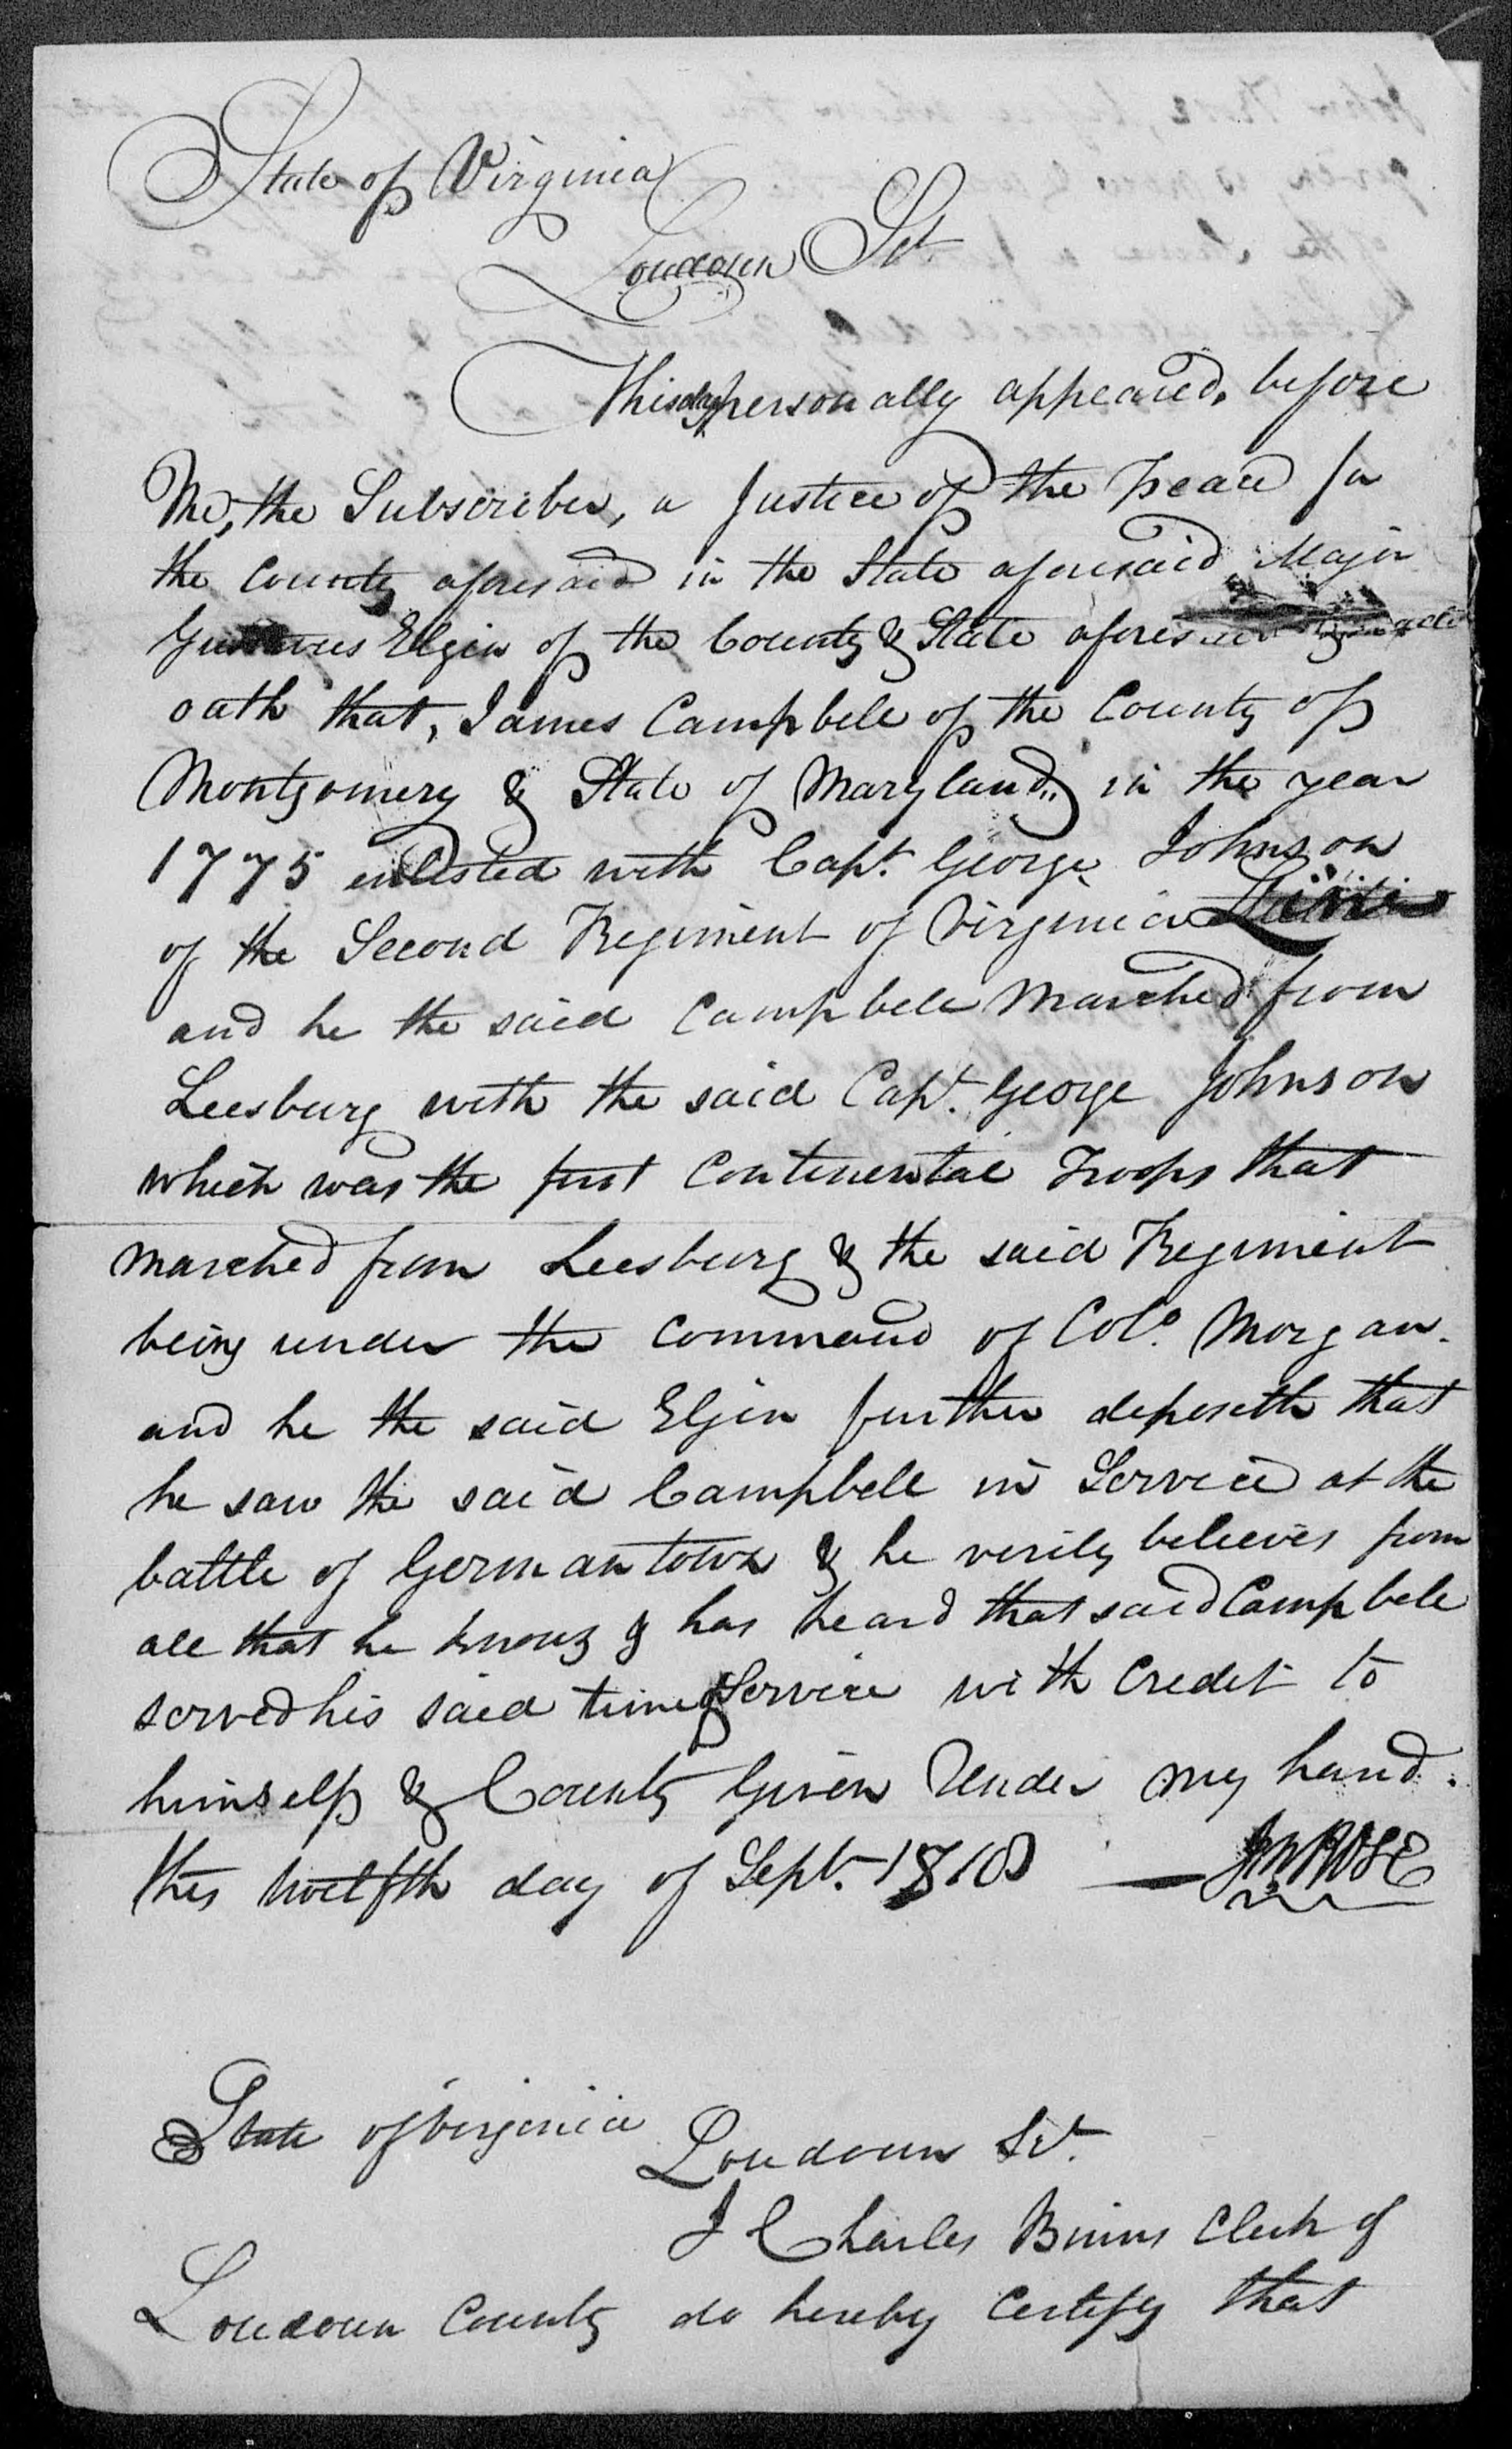State oof Virginia
Loudoun Sct
this day personally appeared before Me, the Subscriber, a Justice of the peace for the County aforesaid in the State aforesaid Major Gustevus Elgin of the County & State aforesaid  [illegible] act oath that, James Campbell of the County of Montgomery & State of Maryland in the year 1775 enlisted with Capt. George Johnson of the Second Regiment of Virginia Line and he the said Campbell Marched from Leesburg with the said Capt. George Johnson which was the first Continental Troops that marched from Leesburg & the said Regiment being under the command of Colo. Morgan and he the said Elgin further deposeth that he saw the said Campbell in Service at the battle of Germantown & he verily believes from all that he knows & has heard that said Campbell served his said time oof Service with credit to himself & County Given Under my hand this twelfth day of Sept. 1810 J. M. Rose
State oof Virginia Loudoun Sct.
I Charles Binns Clerk of Loudoun County do hereby Certify that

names: George Johnson, George Johnson, Campbell, Morgan, James Campbell, Charles Binns, Campbell, Jno Rose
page: 25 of 47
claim: widow's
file: W. 25384, James Campbell, Va.